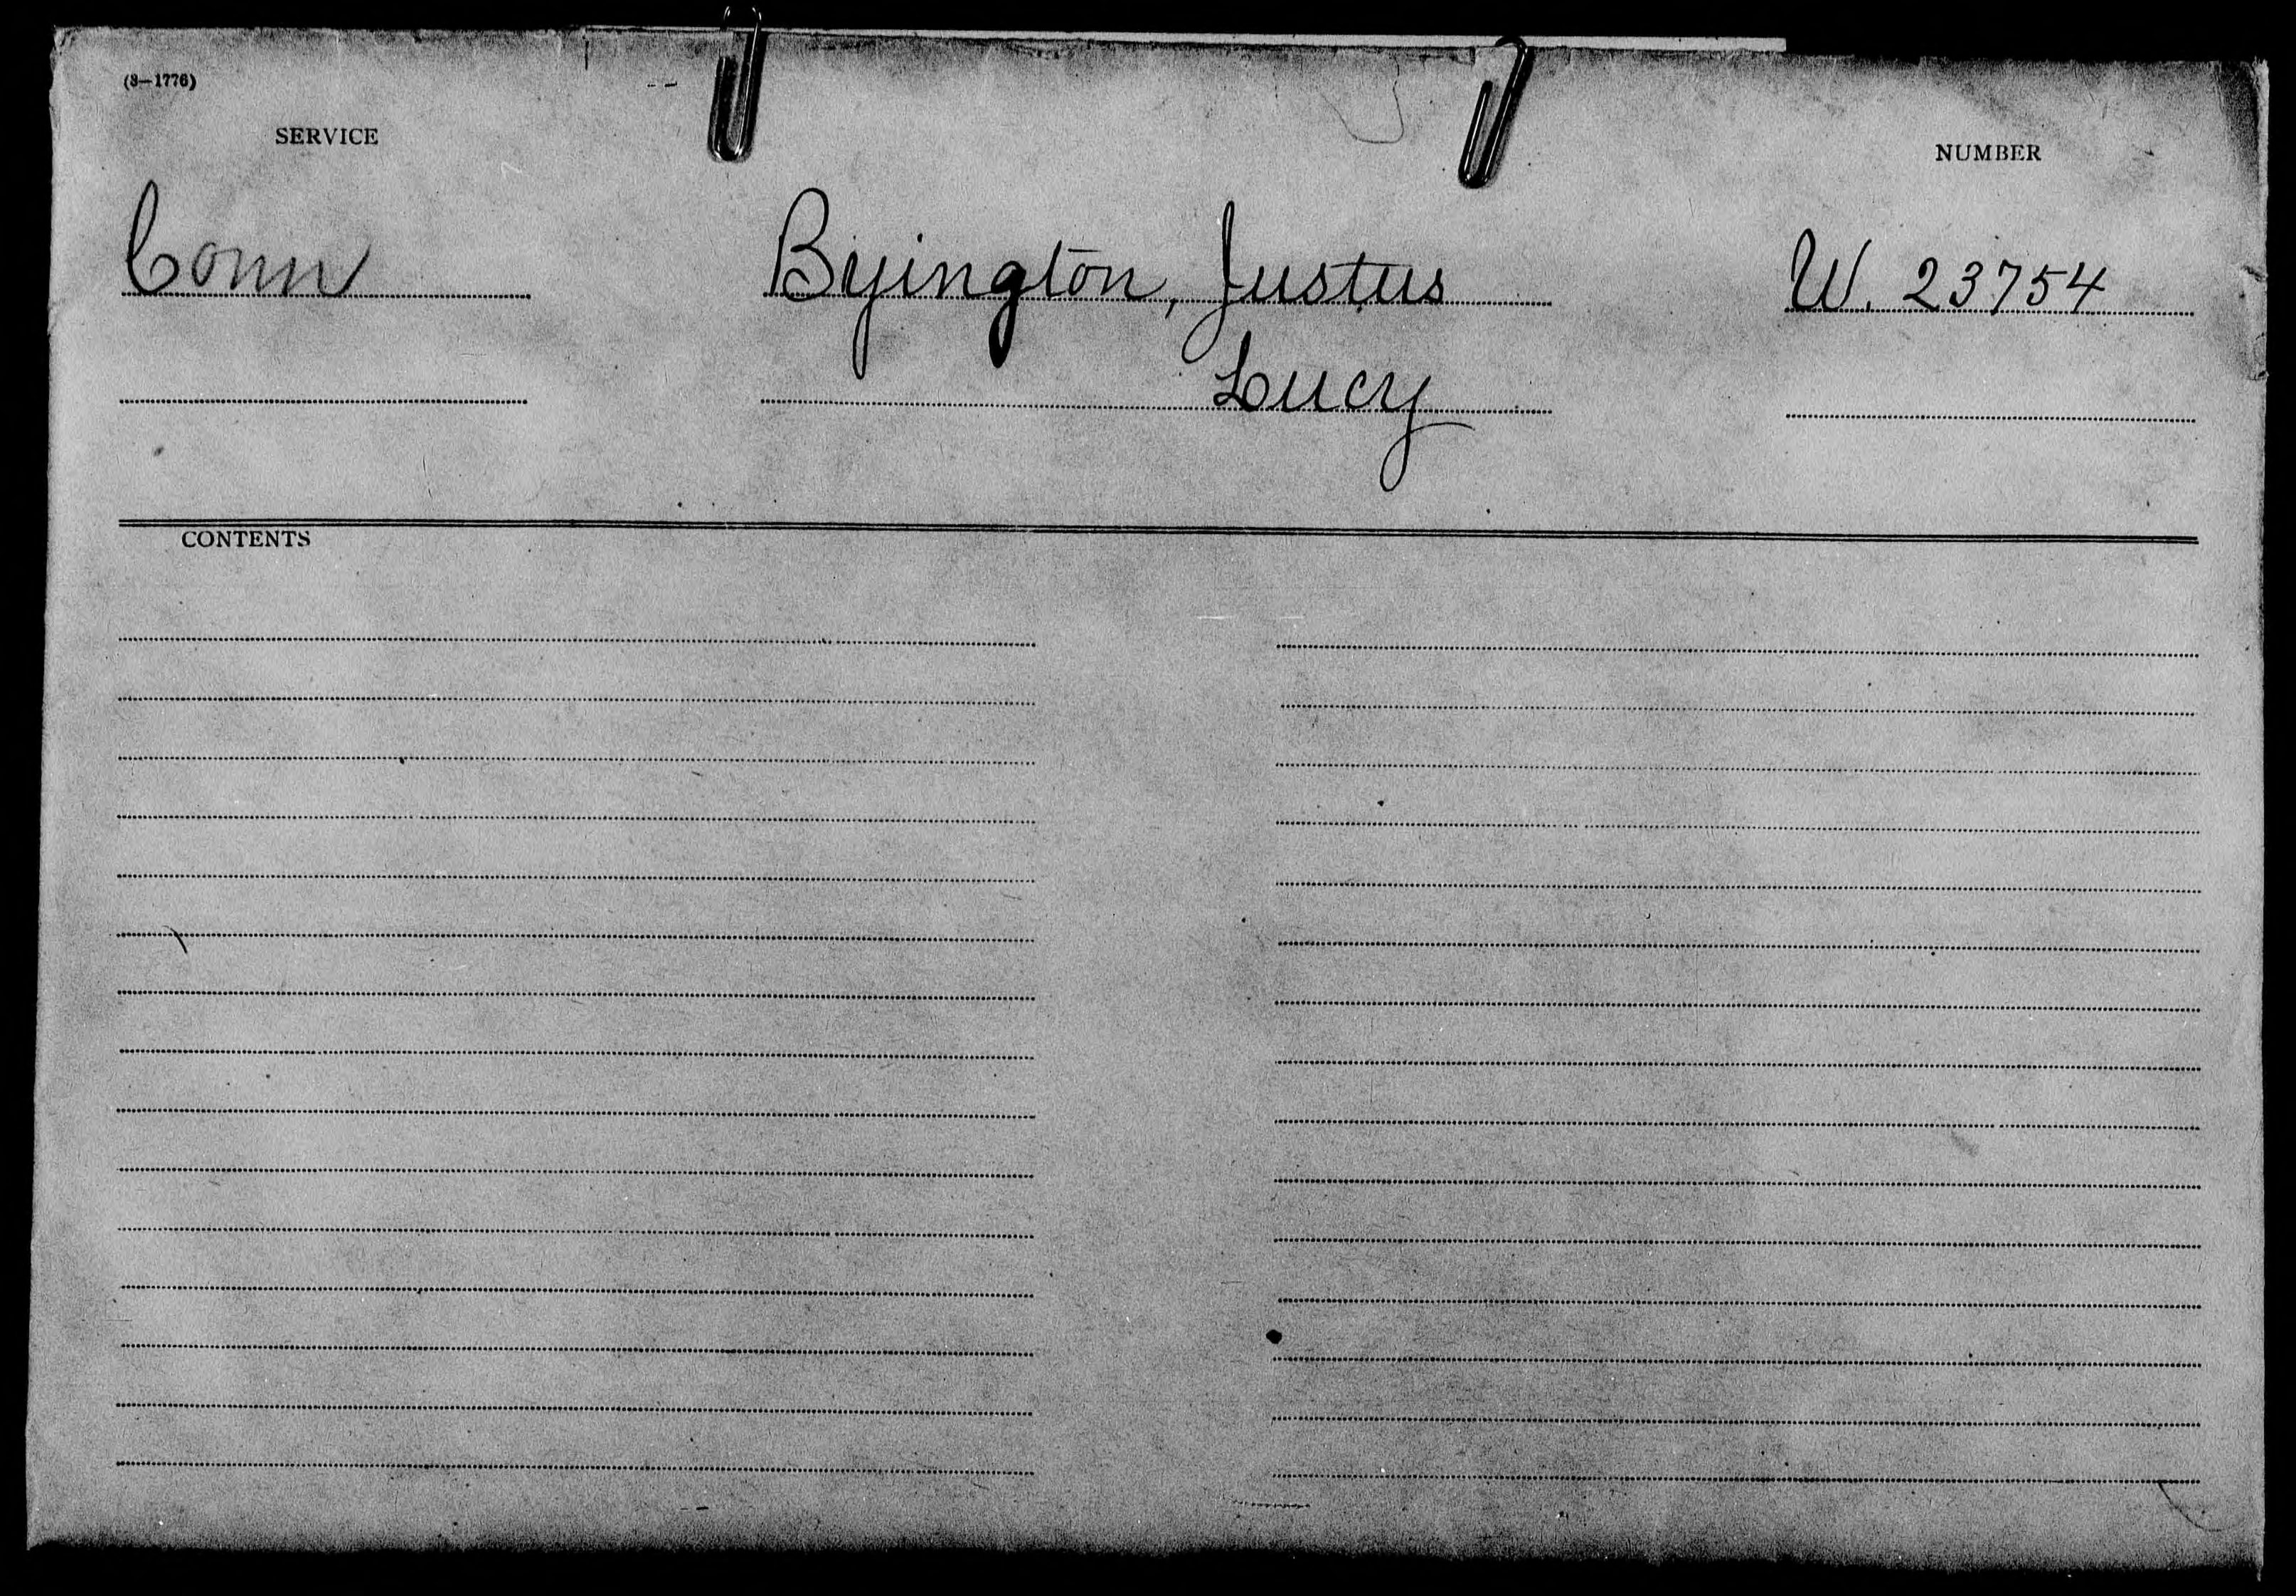(8-1776)

SERVICE
Conn.

Byington, Justus
Lucy

NUMBER
W. 23754

CONTENTS
(blank)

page: 1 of 79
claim: widow's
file: W. 23754, Justus Byington, Conn.